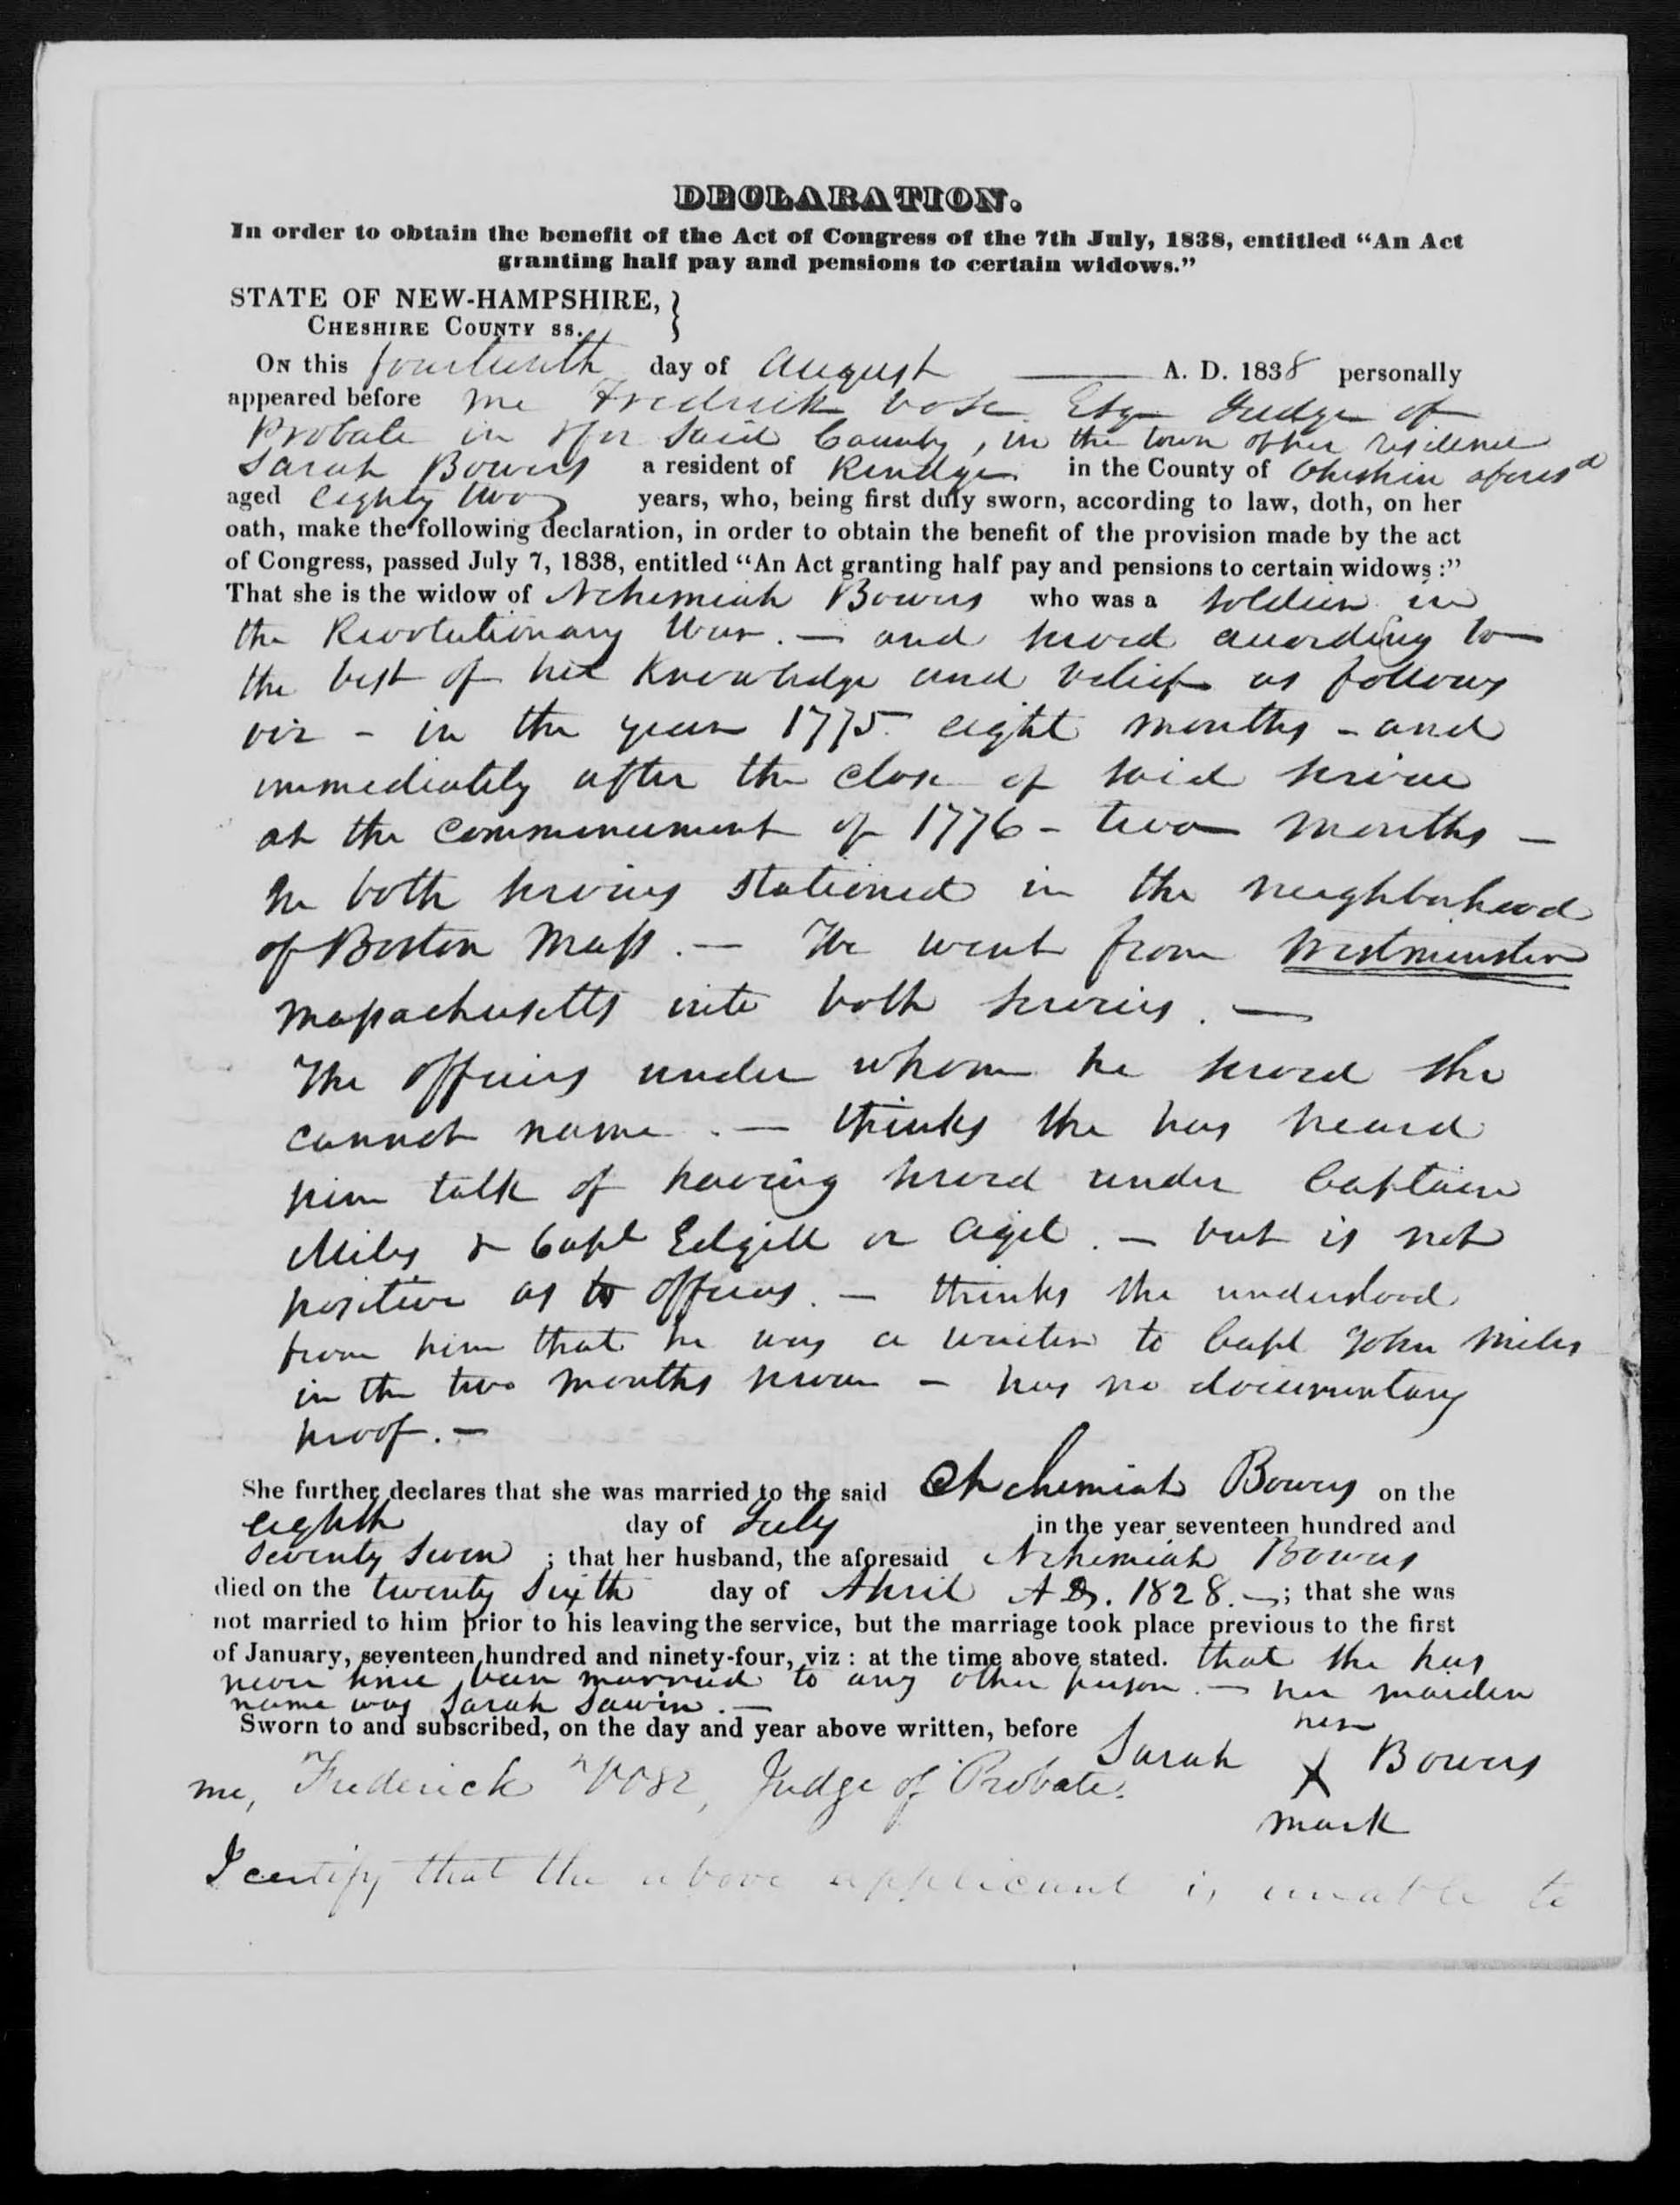DECLARATION.
In order to obtain the benefit of the Act of Congress of the 7th July, 1838, entitled "An Act granting half pay and pensions to certain widows."
STATE OF NEW-HAMPSHIRE }
Cheshire County ss. }
On this fourteenth day of August --- A. D. 1838 personally appeared before me Frederick Vose Esq. Judge of Probate in & for Said County, in the town of her residence Sara Bowers a resident of Rindge in the county of Cheshire aforesd. aged eighty two years, who, being first duly sworn, according to law, doth, on her oath, make the following declaration, in order to obtain the benefit of the provision made by the act of Congress, passed July 7, 1838, entitled "An Act granting half pay and pensions to certain widows:" That she is the widow of Nehemiah Bowers who was a soldier in the Revolutionary War. -- and served according to the best of her knowledge and belief as following viz -- in the year 1775 eight months - and immediately after the close of said service at the at the commencement of 1776 -- two months -- in both services stationed in the neighborhood of Boston Mass. -- He went from Westminster Massachusetts into both services. --
The officers under whom he served she cannot name. -- things she has heard him talk of having served under Captain Miles & Capt. Edgill or Agil. -- but is not positive as to officers. -- thinks she understood from him that he was a [illegible] to Capt. John Miles in the two months service -- has no documentary proof. --
She further declares that she was married to the said Nehemiah Bowers on the eighth day of July in the year seventeen hundred and seventy seven; that her husband, the aforesaid Nehemiah Bowers died on the twenty sixth day of April A.D. 1828. -- that she was not married to him prior to his leaving the service, but the marriage took place previous to the first of January, seventeen hundred and ninety-four, viz : at the time above stated. that she has never since been married to any other person. -- her maiden name was Sarah Sawin. --
Sarah her X mark Bowers
Sworn to and subscribed, on the day and year above written, before me, Frederick Vose, Judge of Probate
I certify that the above applicant is unable to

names: John Miles, Sarah Sawin, Sarah Bowers, Nehemiah Bowers, Miles, Fredrick Vose, Nehemiah Bowers, Sarah Bowers, Frederick Vose, Edgill, Nehemiah Bowers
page: 5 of 42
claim: widow's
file: W. 23,652, Nehemiah Bowers, Mass.